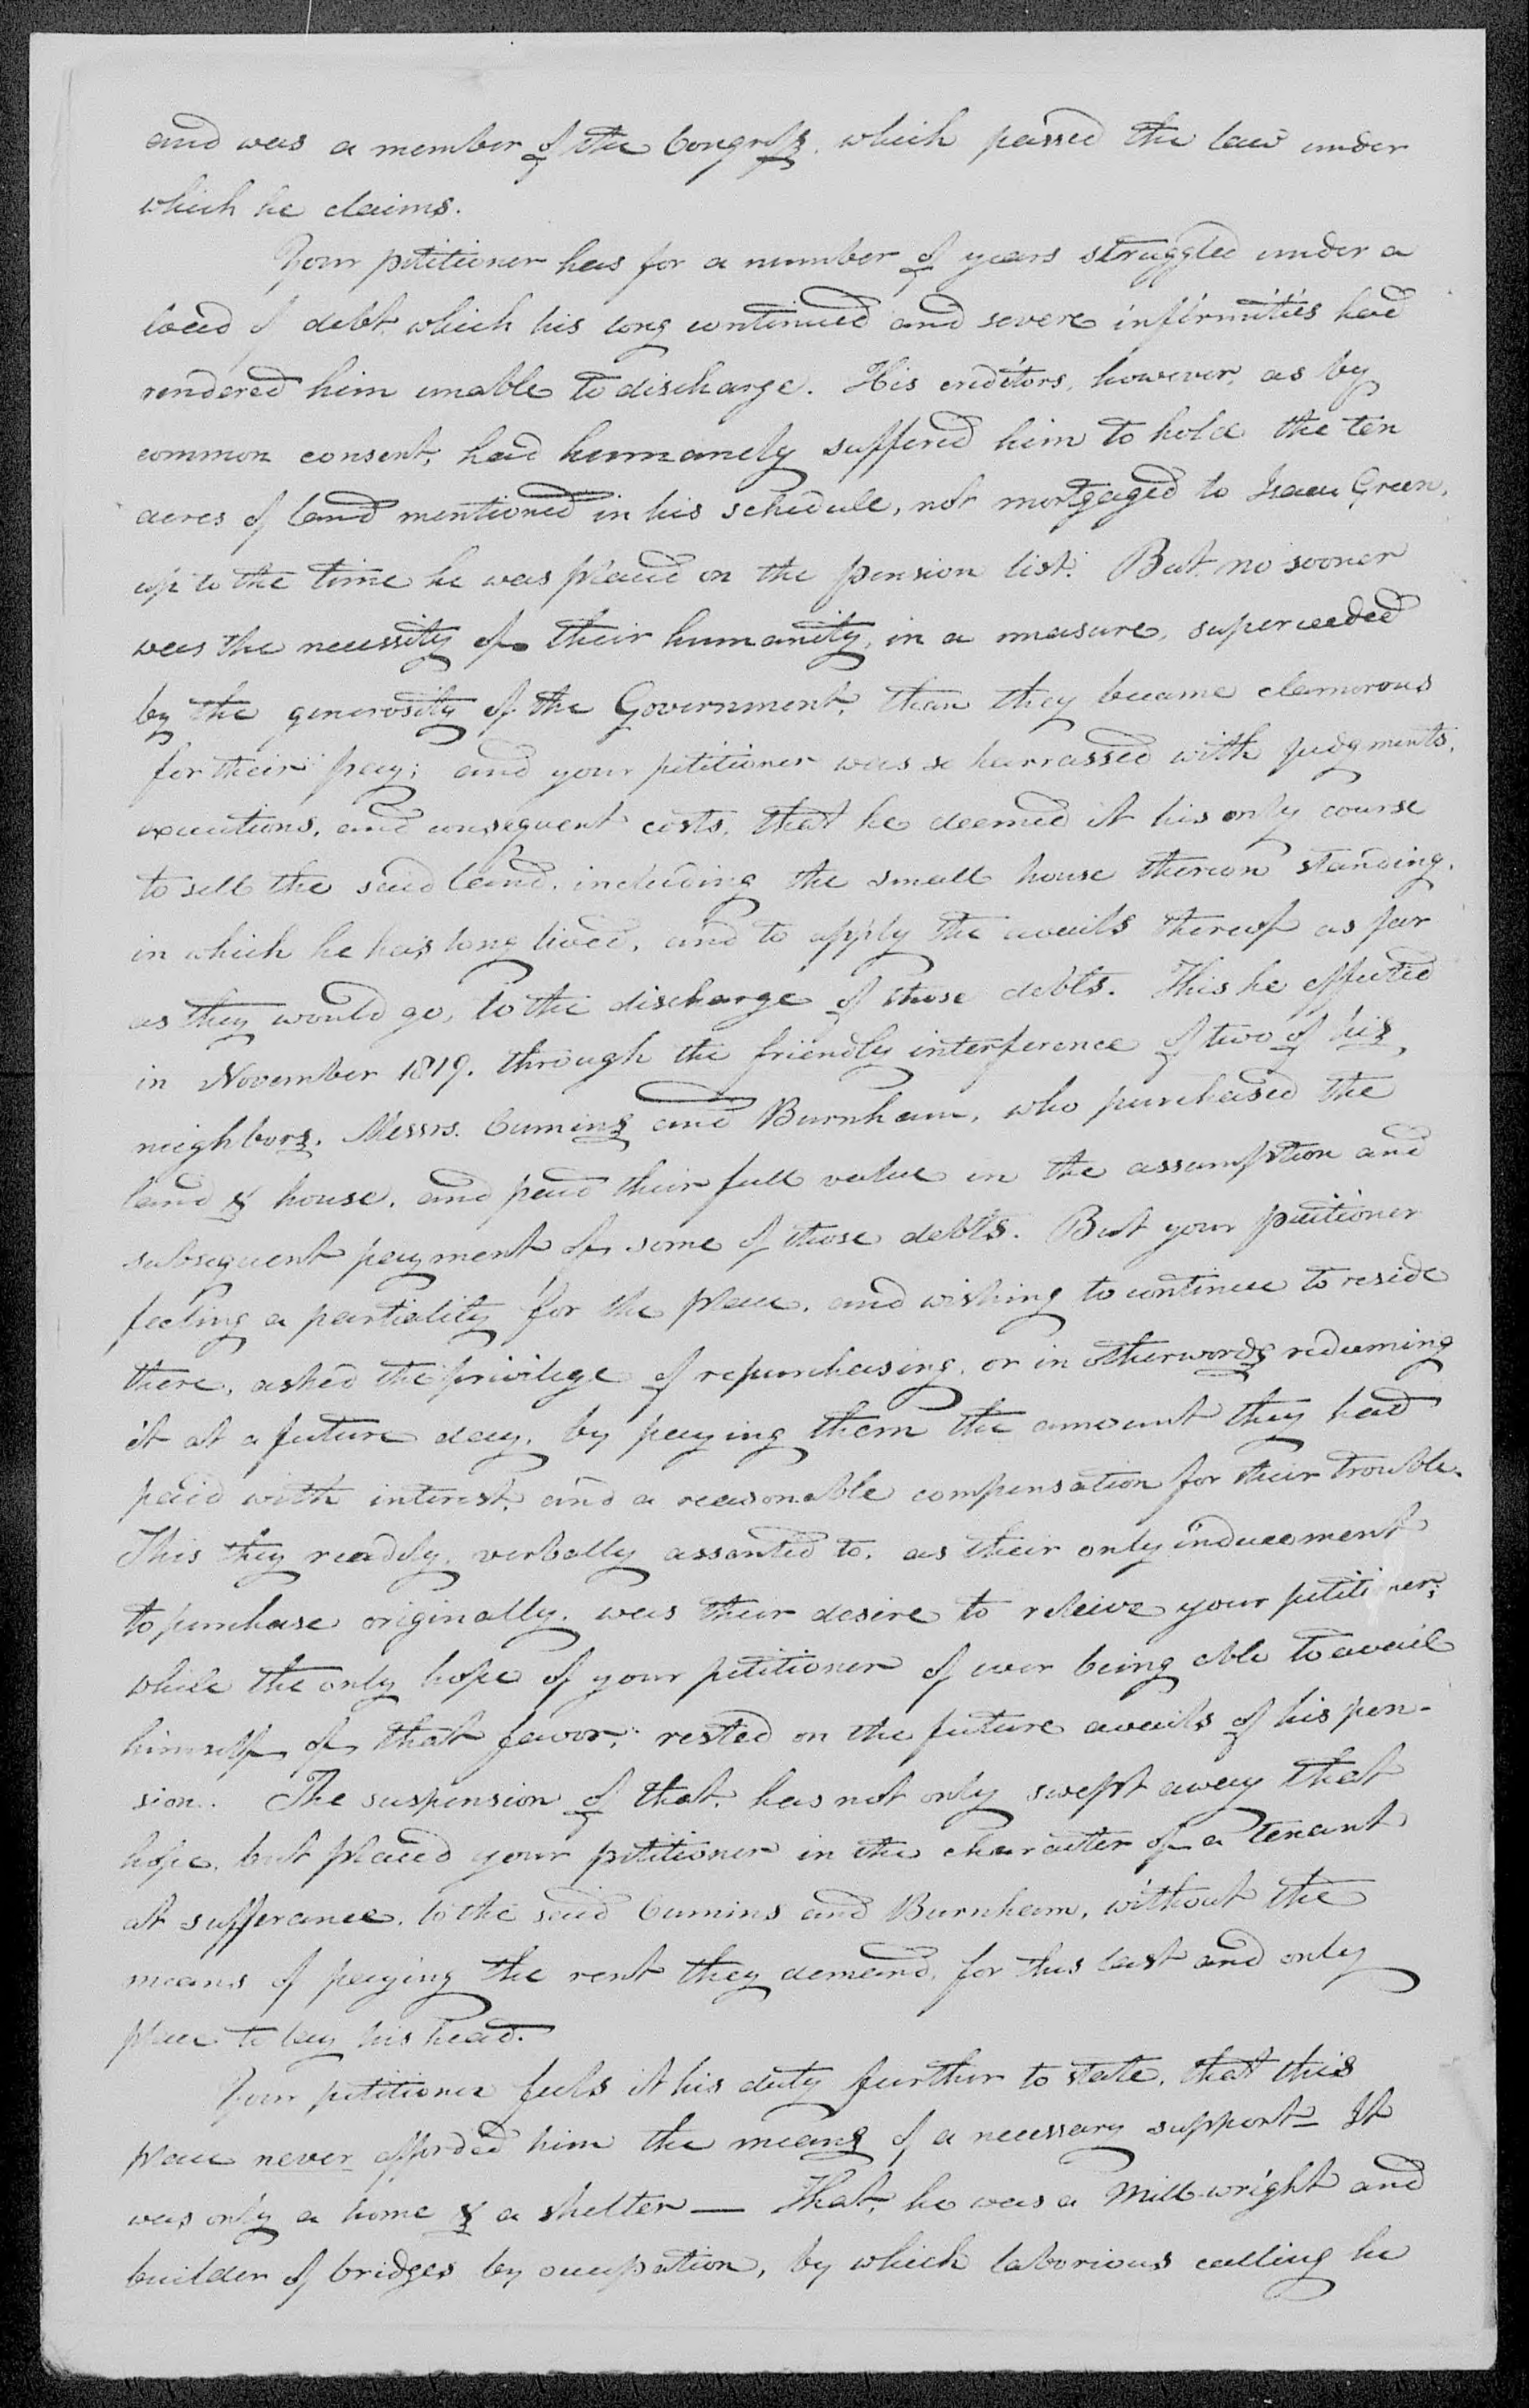and was a member of the Congress which passed the law under which he claims. 
Your petitioner has for a number of years struggled under a load of debt which his long continued and severe infirmities had rendered him unable to discharge. His creditors, however, as by common consent, have humanely suffered him to hold the ten acres of land mentioned in his schedule, and mortgaged to Isaac Green up to the time he was placed on the pension list. But no sooner was the necessity of their humanity on a measure superceded by the generosity of the Government than they became clamorous for their pay; and your petitioner was so harassed with judgments, expectations, and consequent costs that he deemed it his only course to sell the said land, including the small house thereon standing in which he has long lived, and to apply the avails thereof as far as they would go, to the discharge of these debts. This he effected in November 1819 through the friendly interference of two of his neighbors, Messrs. Cummings and Burnham, who purchased the land and house, and paid their full value on the assumption and subsequent payment of some of those debts. But your petitioner feeling a partiality for the place, and wishing to continue to reside there, asked the privilege of repurchasing the amount they had paid with interest, and a reasonable compensation for their trouble. This they readily, verbally assented to, as their only enduement to purchase originally was their desire to relieve your petitioner while the only hope of your petitioner of ever being able to avail himself of that favor, rested on the future avails of his pension. The suspension of that has not only swept away that hope, but placed your petitioner in the character of a tenant, at sufference to the said Cummings and Burnham, without the means of paying the rent they demand, for this last and only place to lay his head. 
Your petitioner feels it his duty further to state that this place never afforded to him the means of a necessary support. It was only a home and a shelter. That he was a Millwright and builder of bridges by occupation, by which laborious calling he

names: Cumins, Cumins, Burnham, Burnham, Isaac Green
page: 34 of 83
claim: widow's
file: W. 10,384, Oliver Barrett, Continental (Vt.) N.Y.